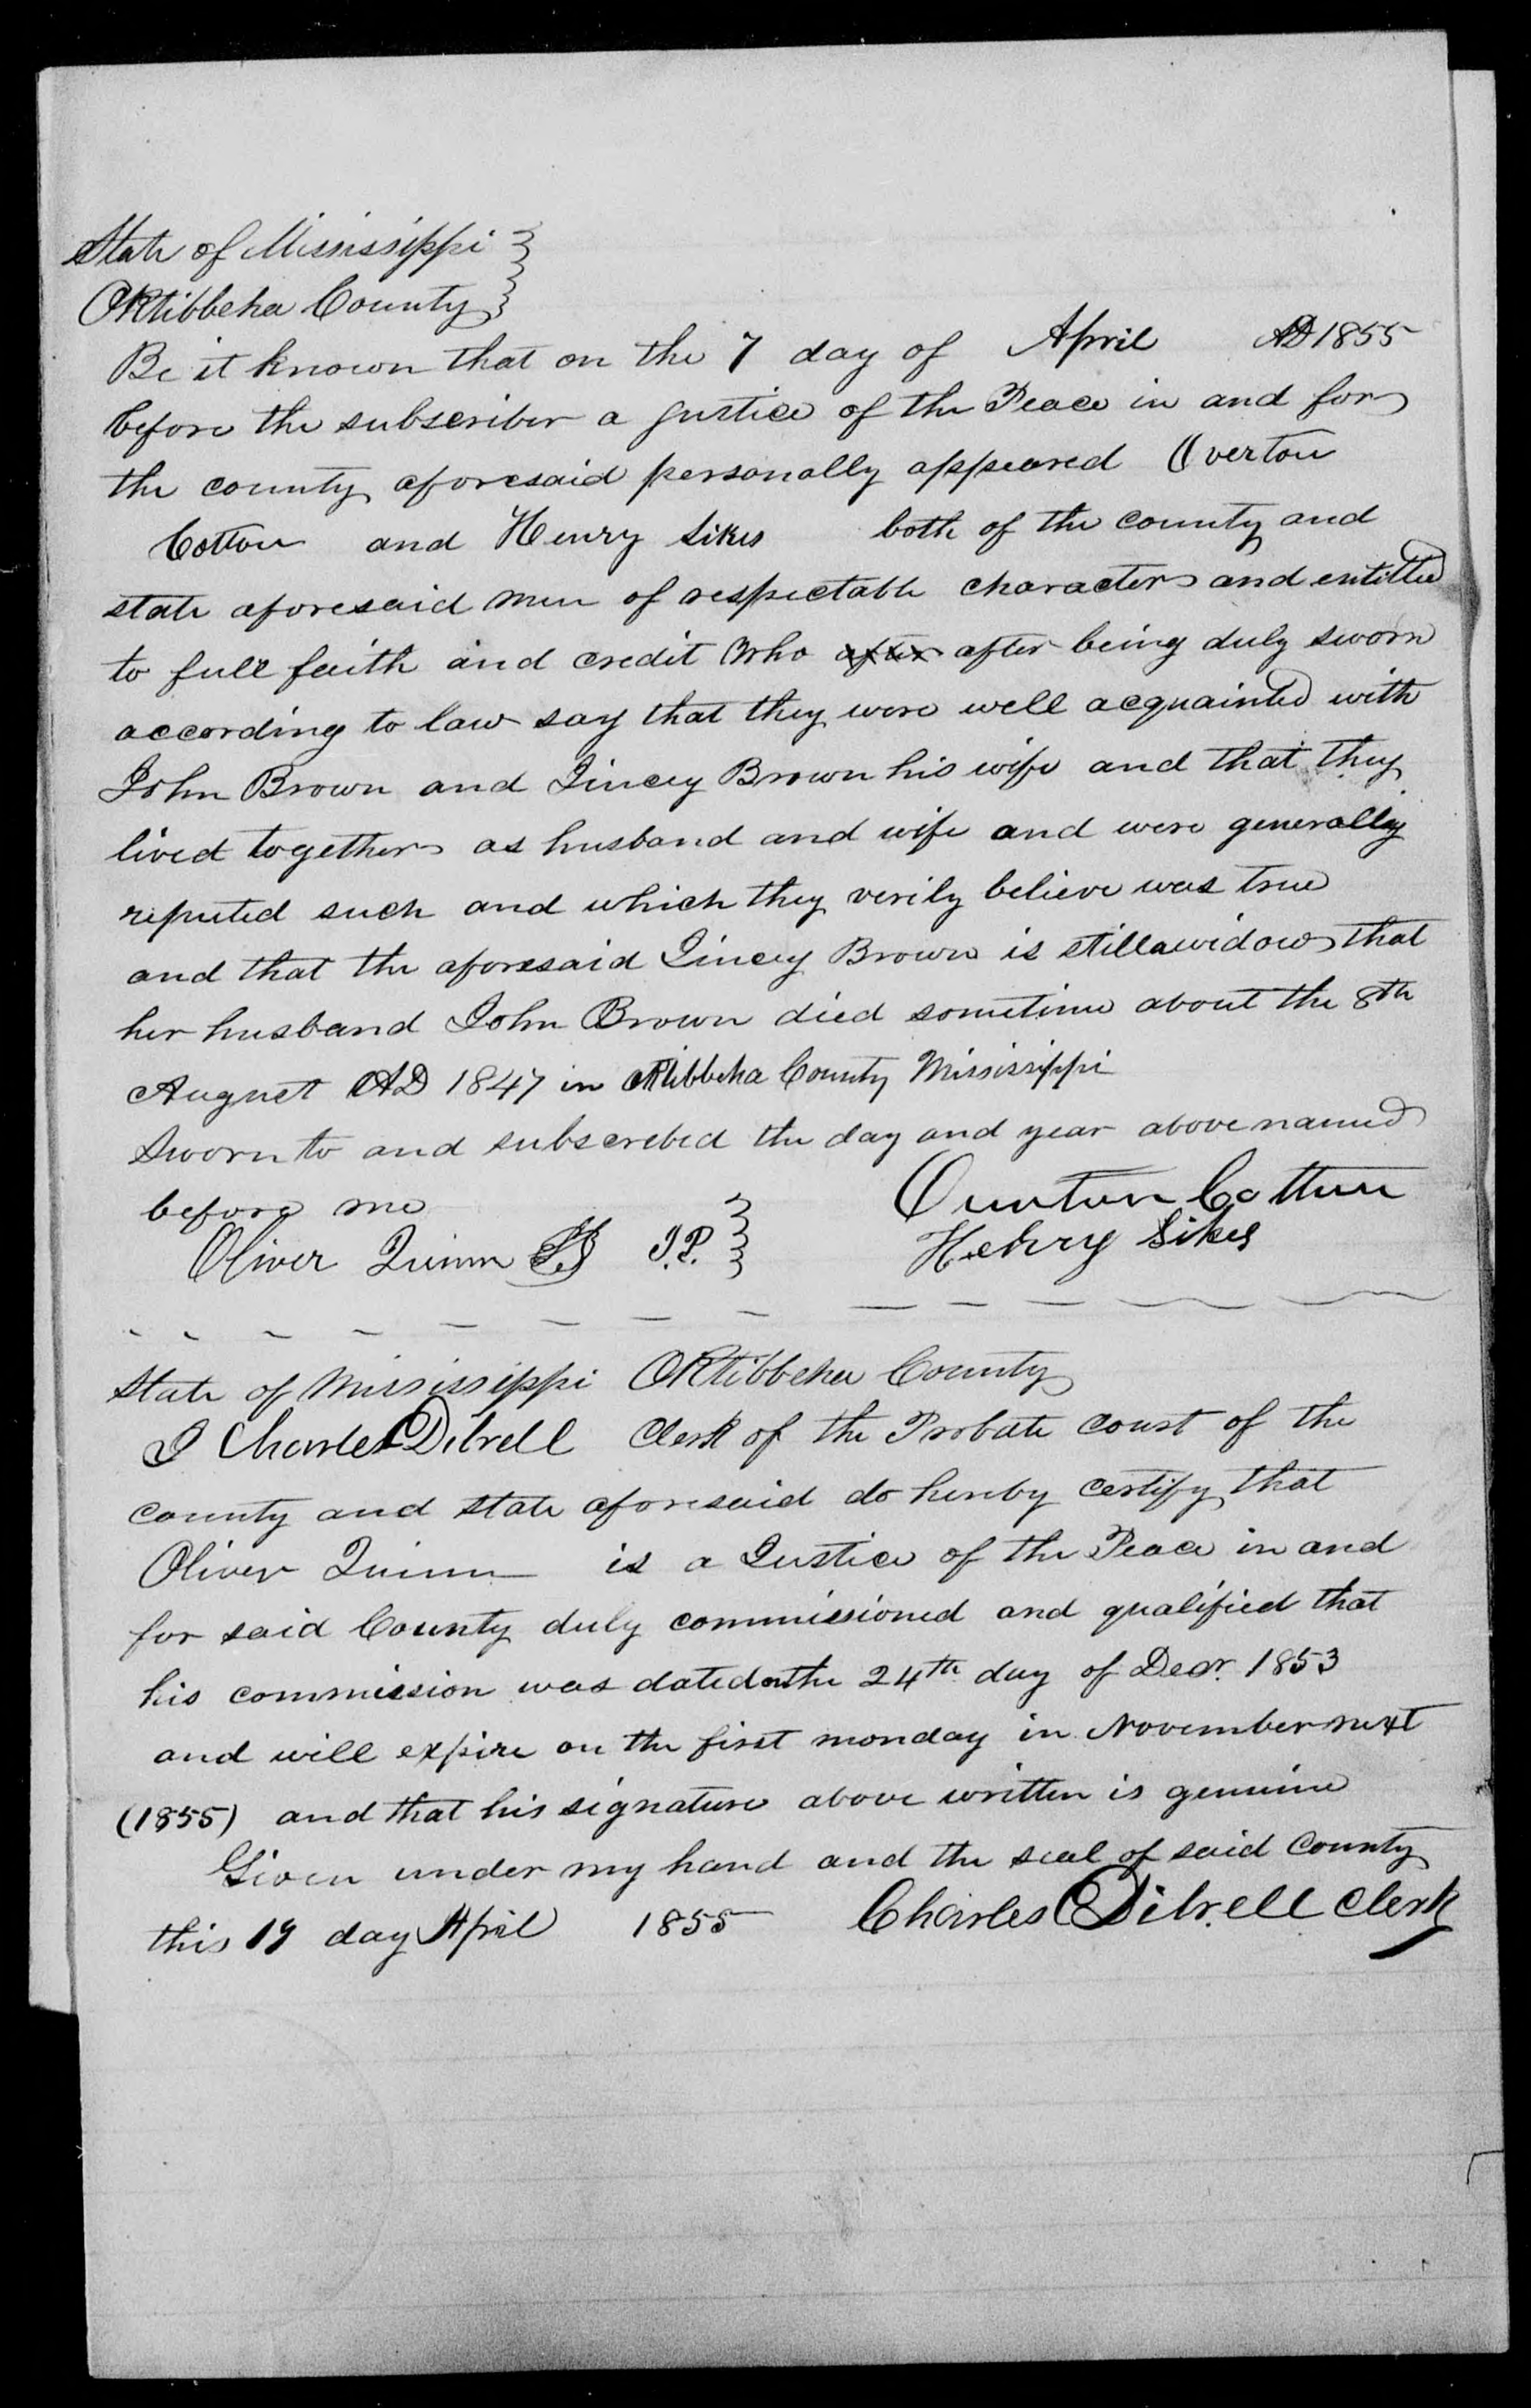State of Mississippi
Oktibbeha County

Be it known that on the 7 day of April AD 1855
before the subscriber a Justice of the Peace in and for the County aforesaid personally appeared Overton Cotton and Henry Sikes
both of the County and state aforesaid men of respectable character and entitled to full faith and credit who after being duly sworn
according to law say that they were well acquainted with John Brown and Jincey Brown his wife and that they lived together as husband and wife and were generally reputed such and which they verily believe was true and that the aforesaid Lincey Brown is still a widow that her husband John Brown died sometime about the 8th August AD 1847 in Oktibbeha County Mississippi.
Sworn to and subscribed the day and year above named before me
Oliver Quinn J.P.
Overton Cotten
Henry Sikes
----------------------------------------------------
State of Mississippi
Oktibbeha County

I Charles Dibrell Clerk of the Probate Court of the County and State aforesaid do hereby certify that Oliver Quinn is a Justice of the Peace in and for said County duly commissioned and qualified that his commission was dated the 24th day of Decr 1853 and will expire on the first monday in November next (1855) and that his signature above written is genuine.
Given under my hand and the seal of said County this 19 day April 1855.
Charles Dibrell Clerk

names: Jincey Brown, Charles Dibrell, Henry Sikes, Overton Cotton, Overton Cotton, Jincey Brown, Charles Dibrell, Henry Sikes, Oliver Quinn, Oliver Quinn, John Brown, John Brown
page: 17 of 85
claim: widow's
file: W. 5,906, John Brown, S.C.